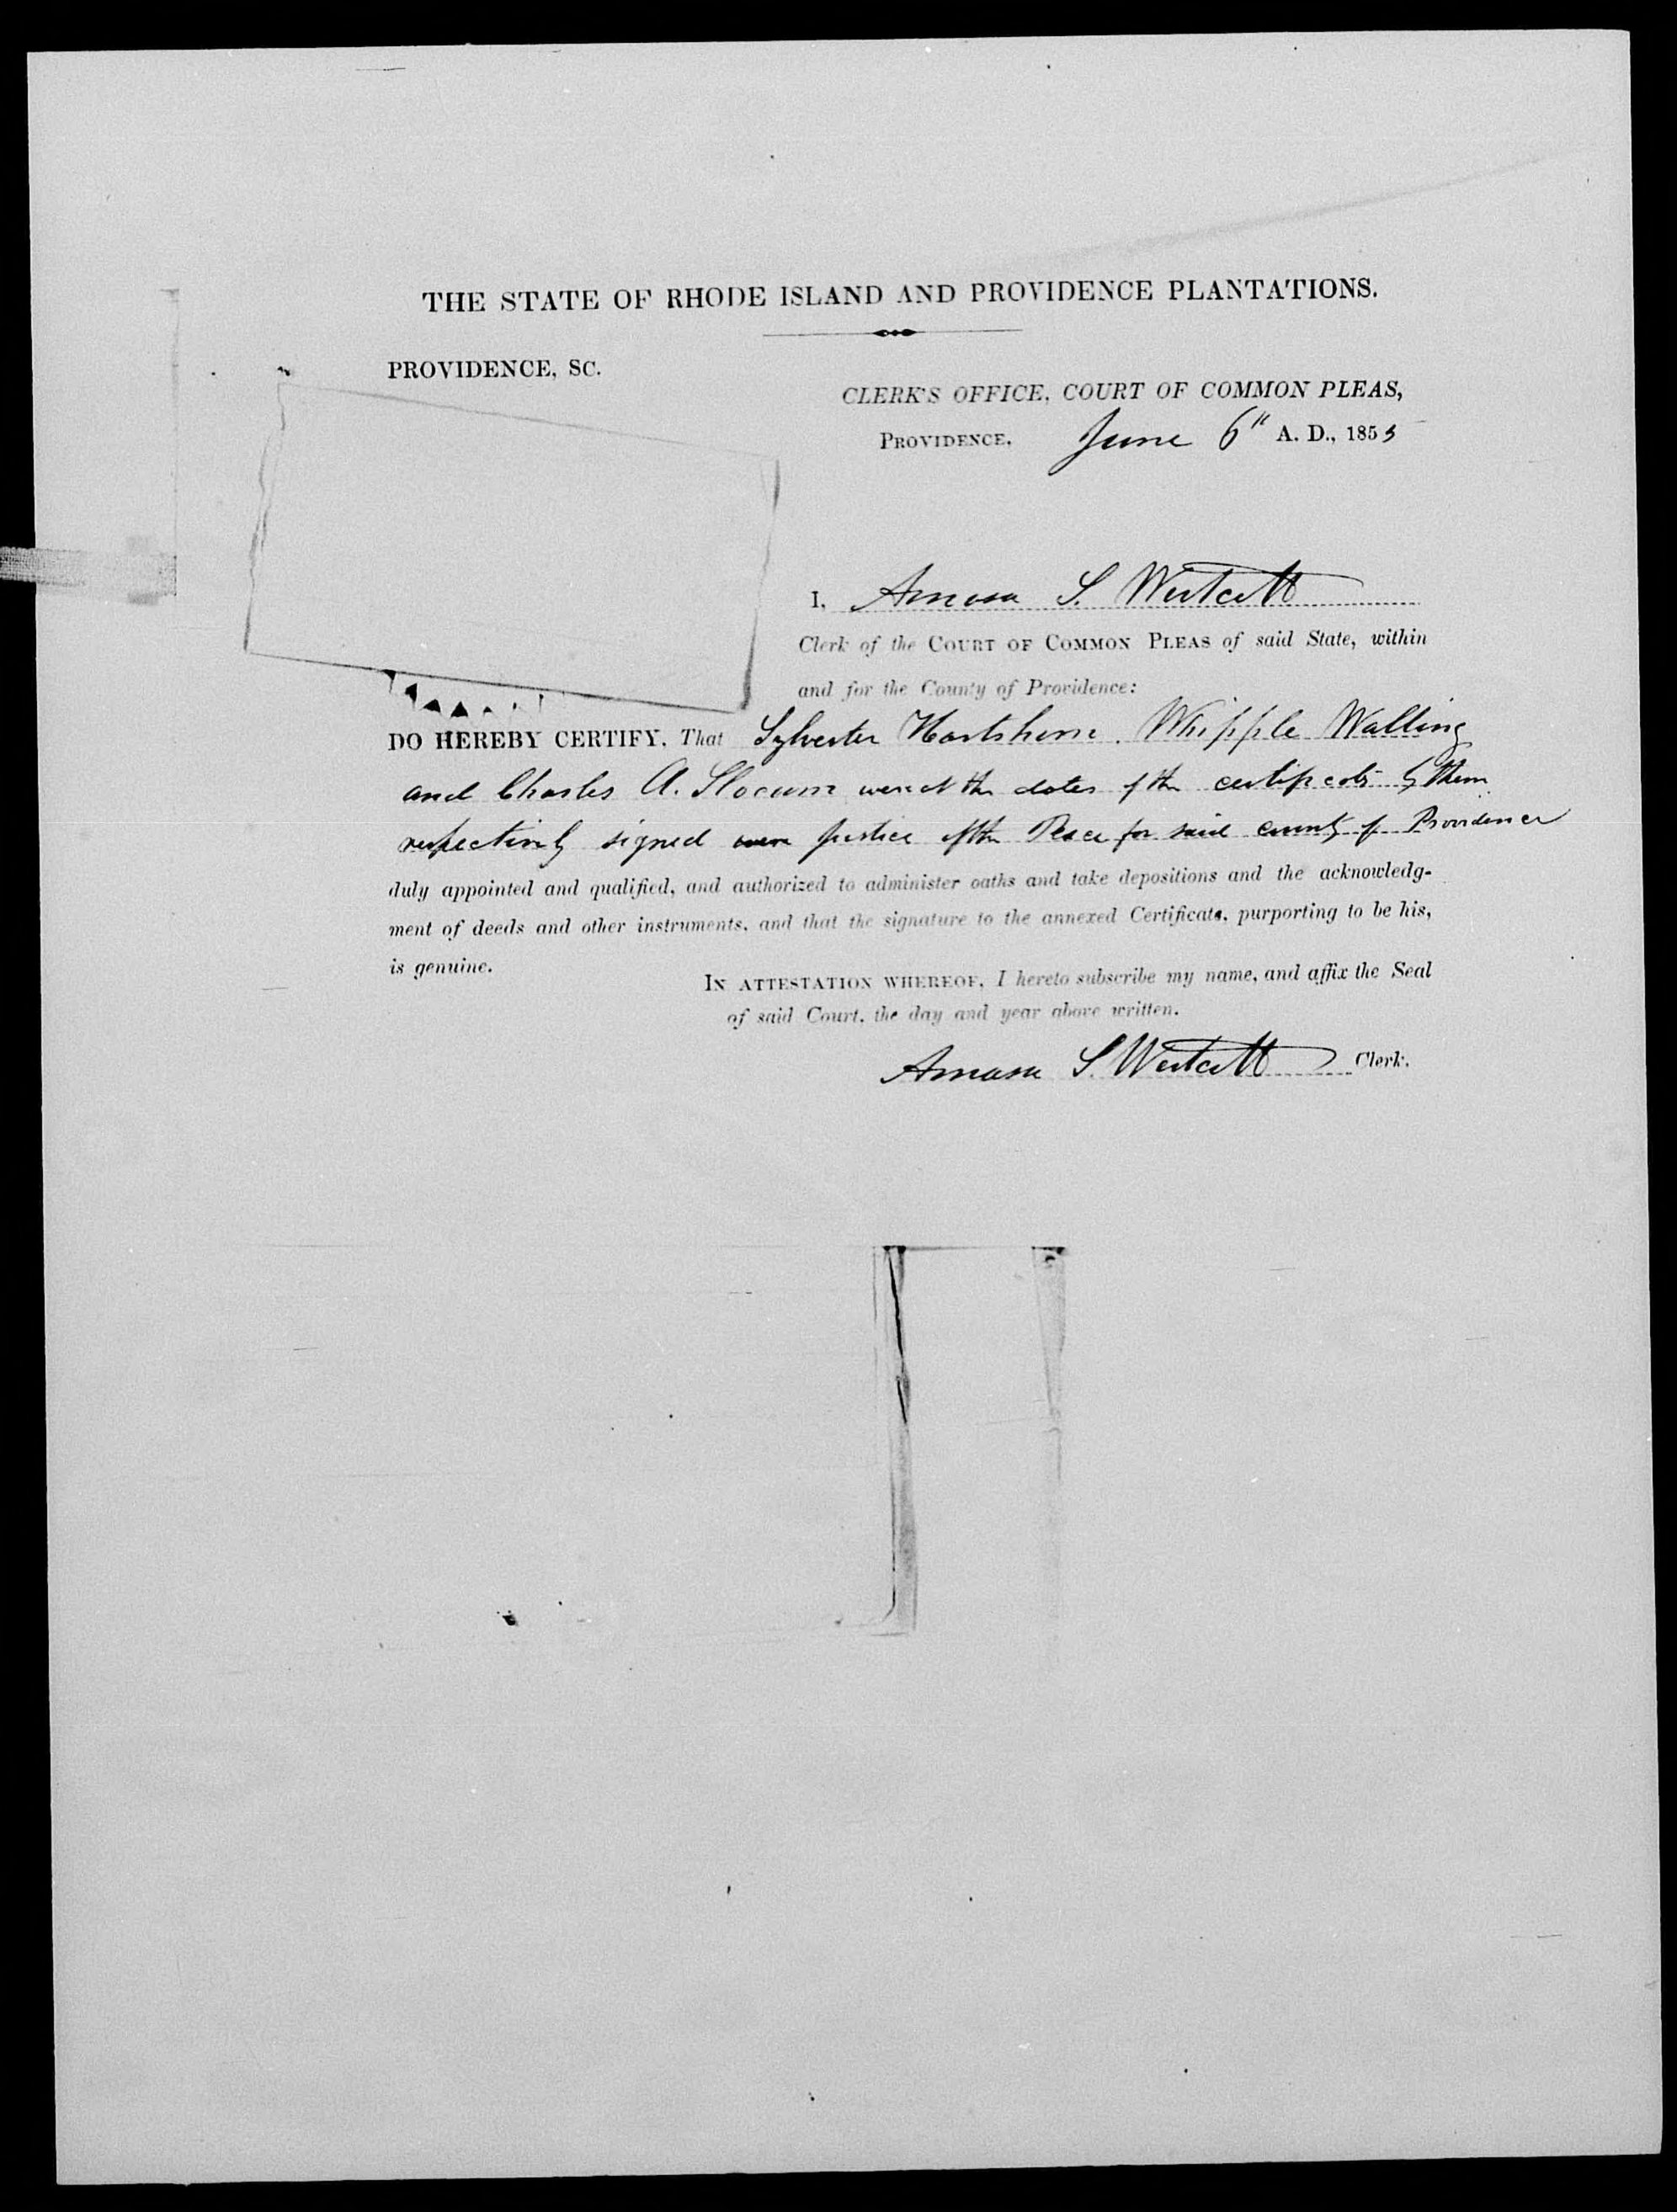THE STATE OF RHODE ISLAND AND PROVIDENCE PLANTATIONS.
PROVIDENCE, SC.
CLERK'S OFFICE, COURT OF COMMON PLEAS, PROVIDENCE, June 6 A.D., 1855

I, Amasa S. Westcott, Clerk of the Court of Common Pleas of said State, within and for the County of Providence:

DO HEREBY CERTIFY, that Sylvester Hartshorn, Whipple Walling and Charles A. Slocum were at the dates of the certificates by them respectively signed before Justice of the Peace for said Court of Providence duly appointed and qualified, and authorized to administer oaths and take depositions and the acknowledgement of deeds and other instruments, and that the signature to the annexed Certificate, purporting to be his, is genuine.

In attestation whereof, I hereto subscribe my name, and affix the Seal of said Court, the day and year above written.

Amasa S. Westcott, Clerk.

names: Sylvester Hartshom, Amasa S Westcott, Charles A Slocum, Whipple Walling, Amasa S Westcott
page: 66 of 76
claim: widow's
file: W. 15,517, William Gadcomb, R.I.